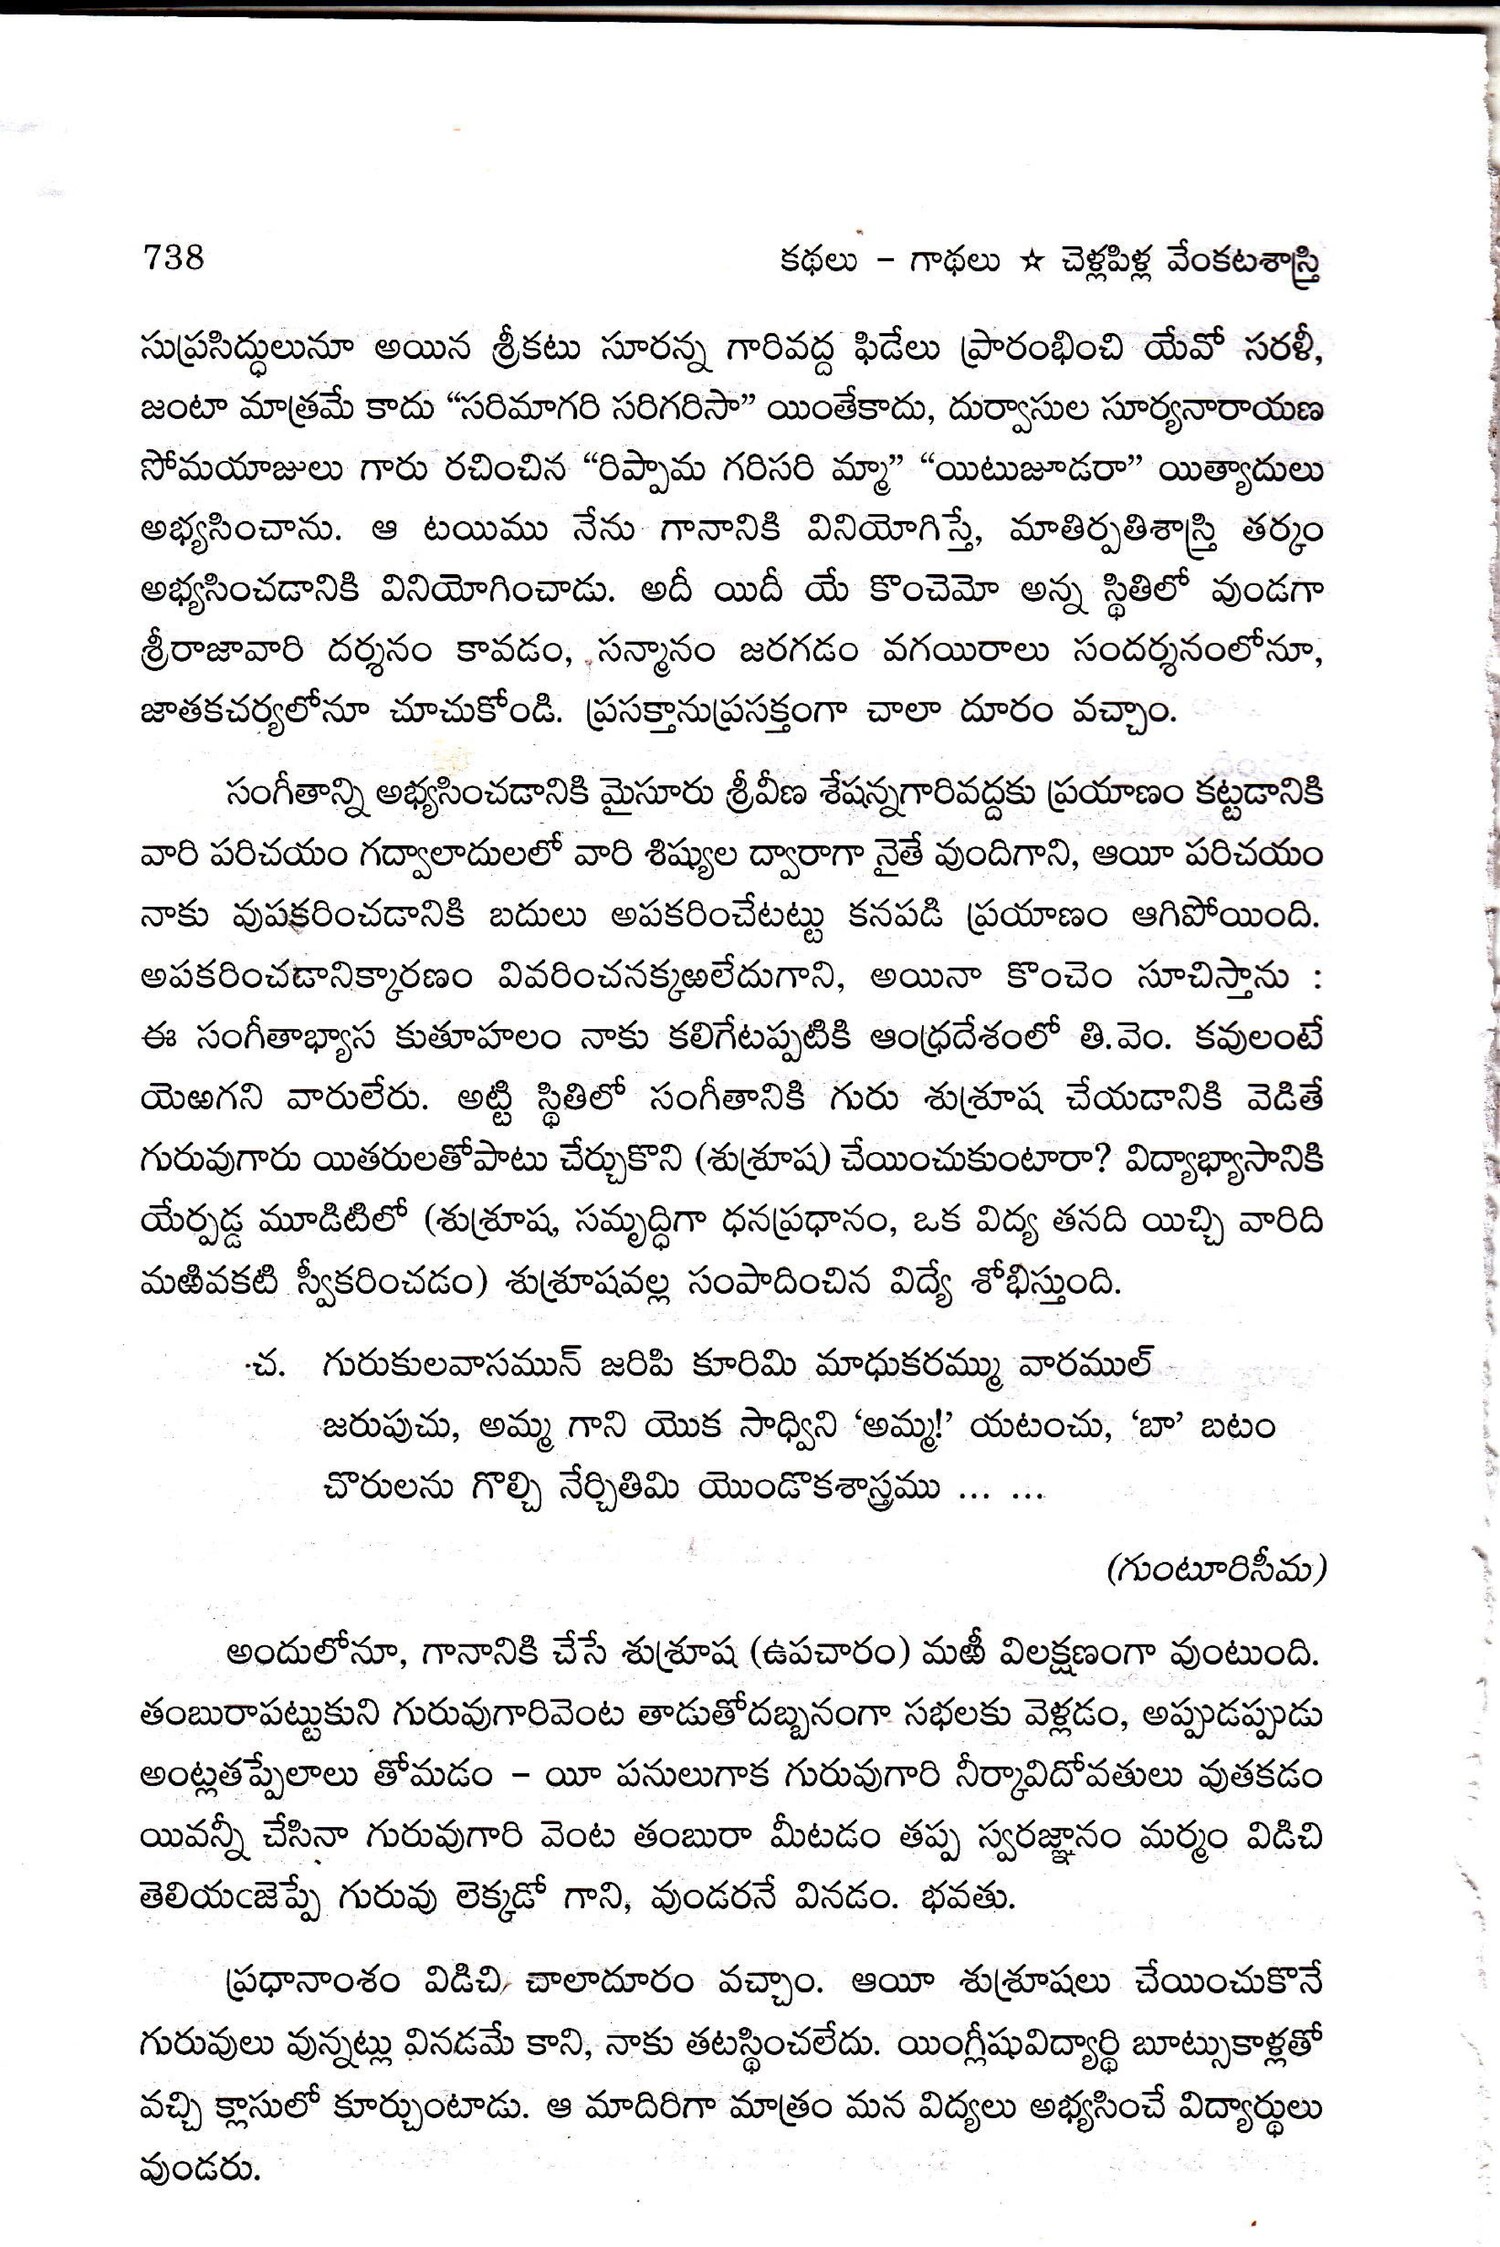సుప్రసిద్దులునూ అయిన శ్రీకటు సూరన్న గారివద్ద ఫిడేలు ప్రారంభించి యేవో సరళీ, జంటూ మాత్రమే కాదు “సరిమాగరి సరిగరిసా" యింతేకాదు, దుర్వాసుల సూర్యనారాయణ సోమయాజులు గారు రచించిన “రిప్పామ గరిసరి మ్మా" “యిటుజూడరా" యిత్యాదులు అభ్యసించాను. ఆ టయిము నేను గానానికి వినియోగిస్తే, మాతిర్పతిశాస్త్రి తర్కం అభ్యసించడానికి వినియోగించాడు. అదీ యిదీ యే కొంచెమో అన్న స్థితిలో వుండగా శ్రీరాజావారి దర్శనం కావడం, సన్మానం జరగడం వగయిరాలు సందర్శనంలోనూ, జాతకచర్యలోనూ చూచుకోండి. ప్రసక్తానుప్రసక్తంగా చాలా దూరం వచ్చాం.

సంగీతాన్ని అభ్యసించడానికి మైసూరు శ్రీవీణ శేషన్నగారివద్దకు ప్రయాణం కట్టడానికి వారి పరిచయం గద్వాలాదులలో వారి శిష్యుల ద్వారాగా నైతే వుందిగాని, ఆయీ పరిచయం నాకు వుపకరించడానికి బదులు అపకరించేటట్టు కనపడి ప్రయాణం ఆగిపోయింది. అపకరించడానిక్కారణం వివరించనక్కఱలేదుగాని, అయినా కొంచెం సూచిస్తాను : ఈ సంగీతాభ్యాస కుతూహలం నాకు కలిగేటప్పటికి ఆంధ్రదేశంలో తి.వెం. కవులంటే యెఱగని వారులేరు. అట్టి స్థితిలో సంగీతానికి గురు శుశ్రూష చేయడానికి వెడితే గురువుగారు యితరులతోపాటు చేర్చుకొని (శుశ్రూష) చేయించుకుంటారా? విద్యాభ్యాసానికి యేర్పడ్డ మూడిటిలో (శుశ్రూష, సమృద్ధిగా ధనప్రధానం, ఒక విద్య తనది యిచ్చి వారిది మఱివకటి స్వీకరించడం) శుశ్రూషవల్ల సంపాదించిన విద్యే శోభిస్తుంది.

చ. గురుకులవాసమున్ జరిపి కూరిమి మాధుకరమ్ము వారముల్
 జరుపుచు, అమ్మ గాని యొక సాధ్విని 'అమ్మ! యటంచు, 'బా' బటం 
 చొరులను గొల్చి నేర్చితిమి యొండొకశాస్త్రము ... ... -
 (గుంటూరిసీమ)
అందులోనూ, గానానికి చేసే శుశ్రూష (ఉపచారం) మఱీ విలక్షణంగా వుంటుంది. తంబురాపట్టుకుని గురువుగారివెంట తాడుతోదబ్బనంగా సభలకు వెళ్లడం, అప్పుడప్పుడు అంట్లతప్పేలాలు తోమడం - యీ పనులుగాక గురువుగారి నీర్మావిదోవతులు వుతకడం యివన్నీ చేసినా గురువుగారి వెంట తంబురా మీటడం తప్ప స్వరజ్ఞానం మర్మం విడిచి తెలియఁజెప్పే గురువు లెక్కడో గాని, వుండరనే వినడం. భవతు.

ప్రధానాంశం విడిచి, చాలాదూరం వచ్చాం. ఆయీ శుశ్రూషలు చేయించుకొనే గురువులు వున్నట్లు వినడమే కాని, నాకు తటస్థించలేదు. యింగ్లీషువిద్యార్థి బూట్సుకాళ్లతో వచ్చి క్లాసులో కూర్చుంటాడు. ఆ మాదిరిగా మాత్రం మన విద్యలు అభ్యసించే విద్యార్థులు వుండరు.